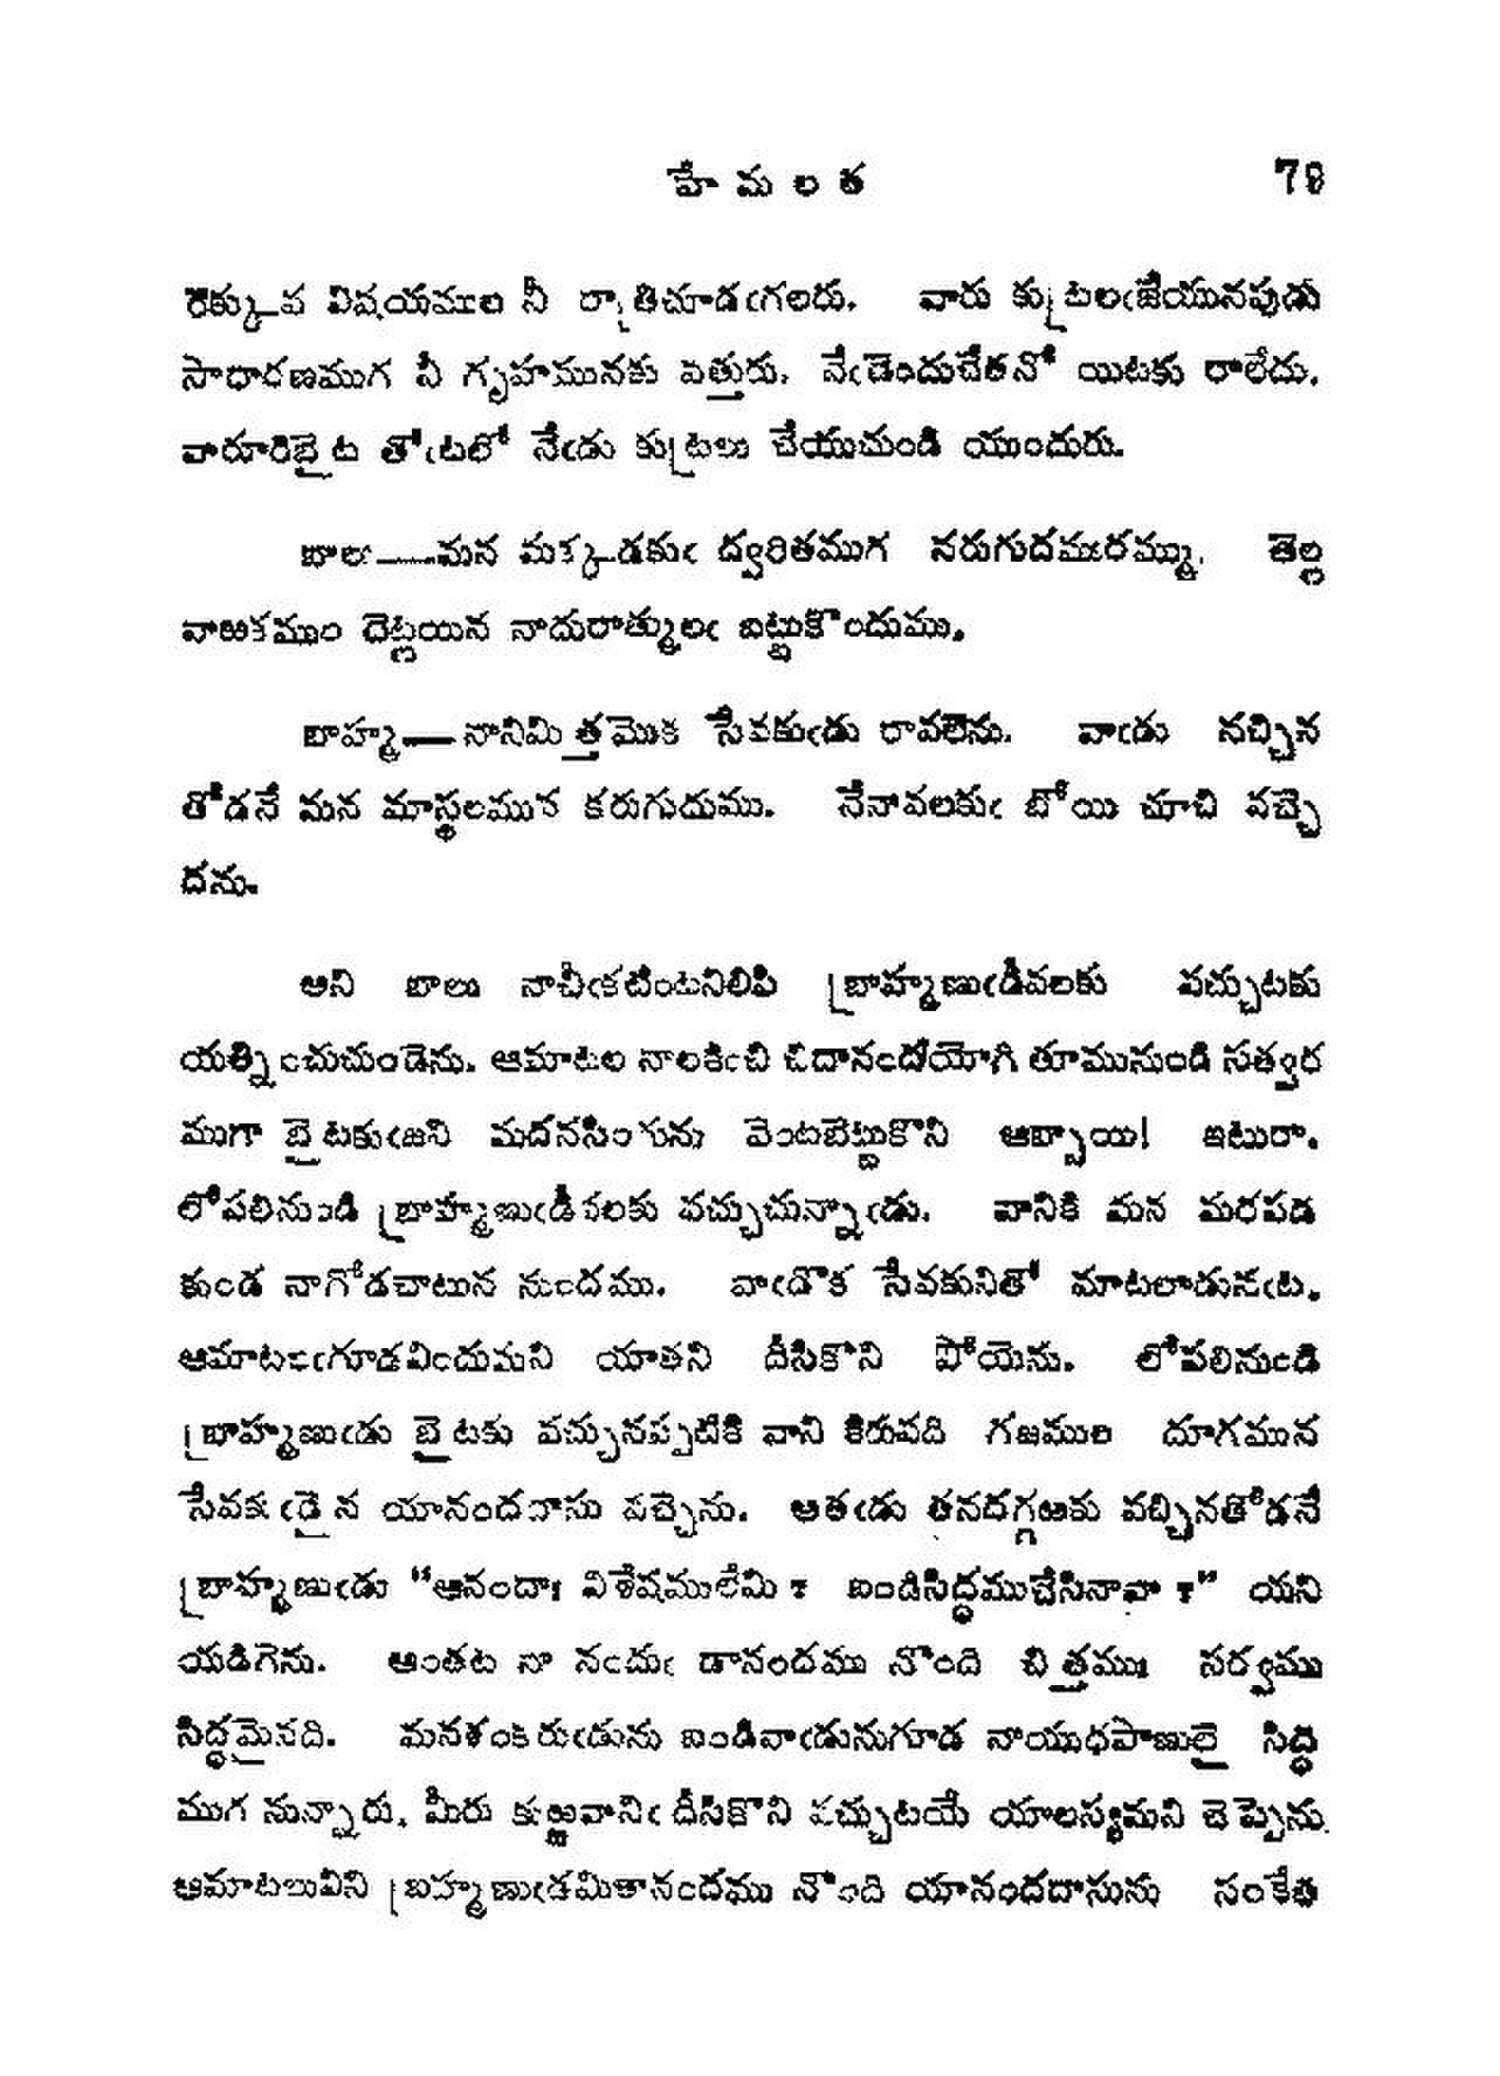రెక్కువ విషయముల నీ రాత్రిచూడఁగలరు. వారు కుట్రలఁ జేయునపుడు సాధారణముగ నీగృహమునకు వత్తురు. నేఁడెందుచేతనో యిటకు రాలేదు. వారూరిబైట తోఁటలో నేఁడు కుట్రలు చేయుచుండి యందురు.

బాల – మన మక్కడకుఁ ద్వరితముగ నరుగుదము రమ్ము. తెల్లవాఱకముం దెట్లయిన నాదుర్మార్గులఁ బట్టుకొందము.

బ్రాహ్మ – నానిమిత్తమొక సేవకుఁడు రావలెను. వాఁడు వచ్చినతోడనే మన మాస్థలమున కరుగుదము. నేనావలకుఁబోయి చూచి వచ్చెదను.

అని బాలు నాచీఁకటింటనిలిచి బ్రాహ్మణుడీవలకు వచ్చుటకు యత్నించుచుండెను. ఆమాటల నాలకించి చిదానంద యోగి తూమునుండి సత్వరముగా బైటకు జని మదనసింగును వెంటబెట్టుకొని అబ్బాయి! ఇటురా, లోపలినుండి బ్రాహ్మణుఁడీవలకు వచ్చుచున్నాఁడు. వానికి మన మగపడకుండ నాగోడ చాటున నుందము. వాడొక సేవకునితో మాటలాడునఁట. ఆమాటలఁగూడవిందుమని యాతని దీసికొని పోయెను. లోపలినుండి బ్రాహ్మణుఁడు బైటకు వచ్చునప్పటికి వాని కిరువది గజముల దూరమున సేవకుఁడైన యానందదాసు వచ్చెను. అతడు తనదగ్గఱకు వచ్చినతోడనే బ్రాహ్మణుడు “ఆనందా! విశేషములేమి? బండిసిద్ధముచేసినావా?” యని యడిగెను. అంతట నా నందుఁ డానందము నొంది చిత్తము! సర్వము సిద్ధమైనది. మనశంకరుఁడును బండివాఁడునుగూడ నాయుధపాణులై సిద్ధముగ నున్నారు. మీరు కుఱ్ఱవానిఁ దీసికొని వచ్చుటయే యాలస్యమని చెప్పెను. ఆమాటవిని బ్రాహ్మణుఁడమితానందము నొంది యానందదాసును సంకేత